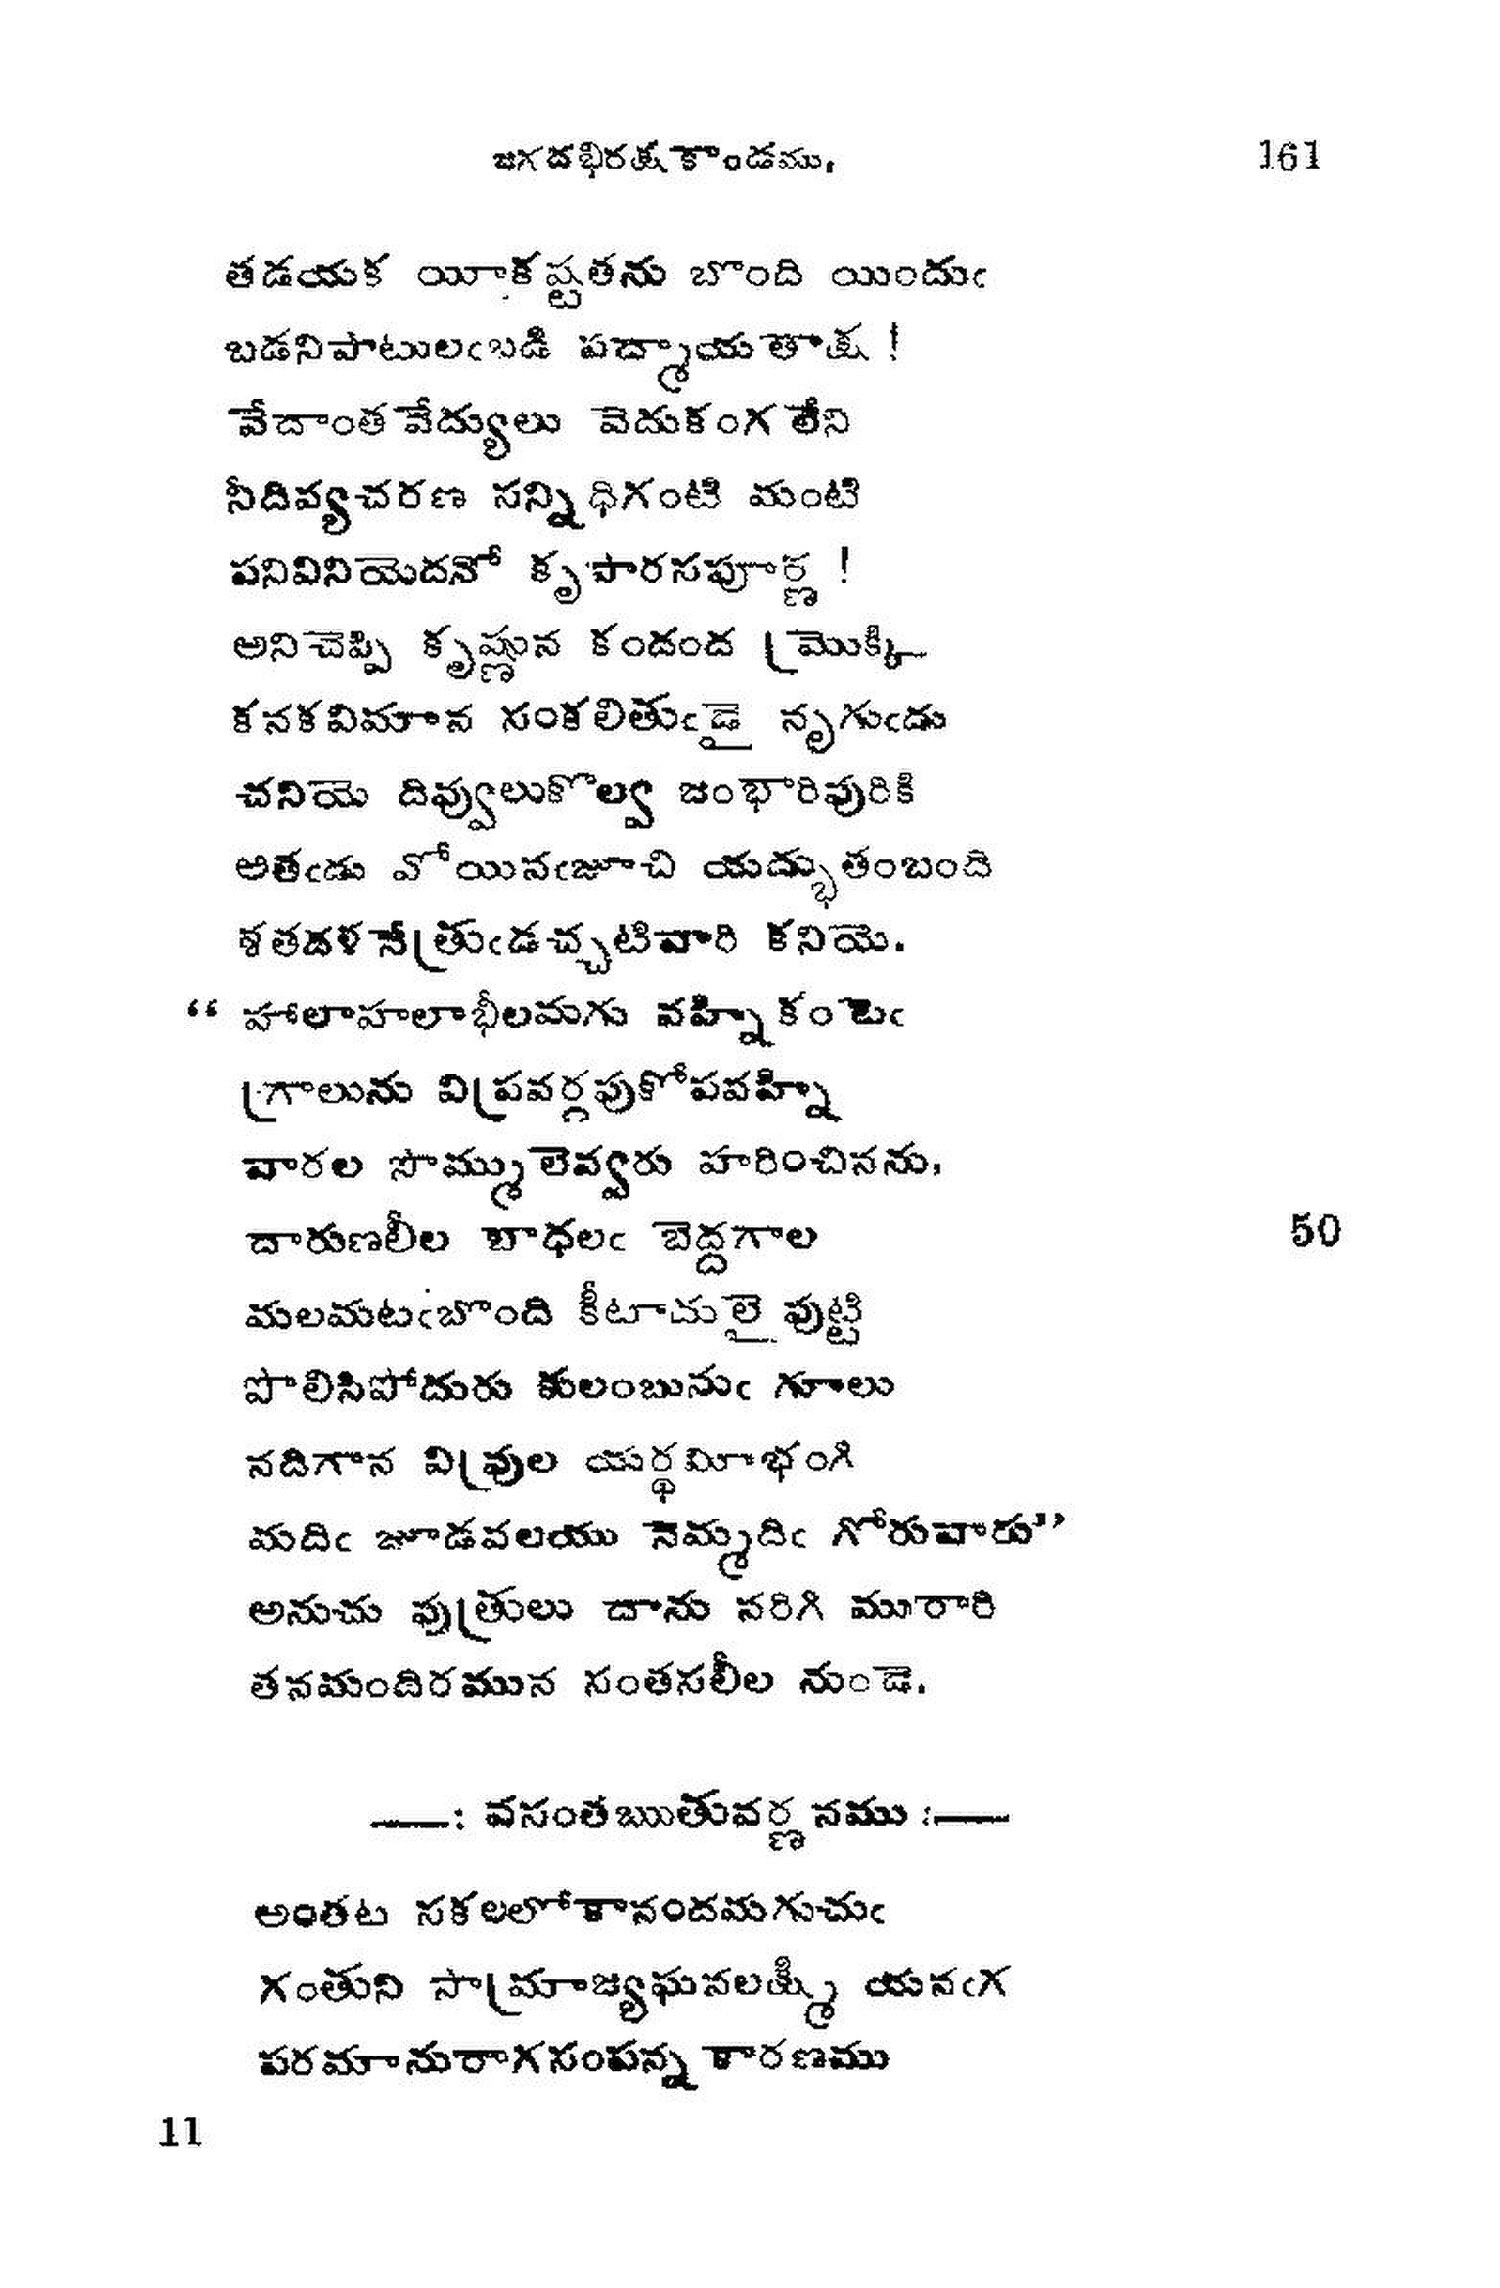“తడయక యీకష్టతను బొంది యిందుఁ
బడనిపాటులఁబడి పద్మాయతాక్ష! 
వేదాంతవేద్యులు వెదుకంగలేని
నీదివ్యచరణ సన్నిధిగంటి మంటి
పనివినియెదనో కృపారసపూర్ణ!” 
అనిచెప్పి కృష్ణున కందంద మ్రొక్కి
కనకవిమాన సంకలితుఁడై నృగుఁడు
చనియె దివ్వులుకొల్వ జంభారిపురికి
అతఁడు వోయినఁ జూచి యద్భుతంబంది
శతదళనేత్రుఁ డచ్చటివారి కనియె. 
“హాలాహలాభీలమగు వహ్నికంటెఁ 
గ్రాలును విప్రవర్గపుకోపవహ్ని
వారల సొమ్ములెవ్వరు హరించినను, 
దారుణలీల బాధలఁ బెద్దగాల
మలమటఁబొంది కీటాదులైపుట్టి
పొలిసిపోదురు కులంబులు గూలిపోవు
నదిగాన విప్రుల యర్థమీభంగి
మదిఁ జూడవలయు నెమ్మదిఁ గోరువారు”
అనుచు పుత్రులు దాను నరిగి మురారి
తనమందిరమున సంతసలీల నుండె. 

అంతట సకలలోకానందమగుచుఁ
గంతుని సామ్రాజ్యఘనలక్ష్మి యనఁగ
పరమానురాగసంపన్న కారణము